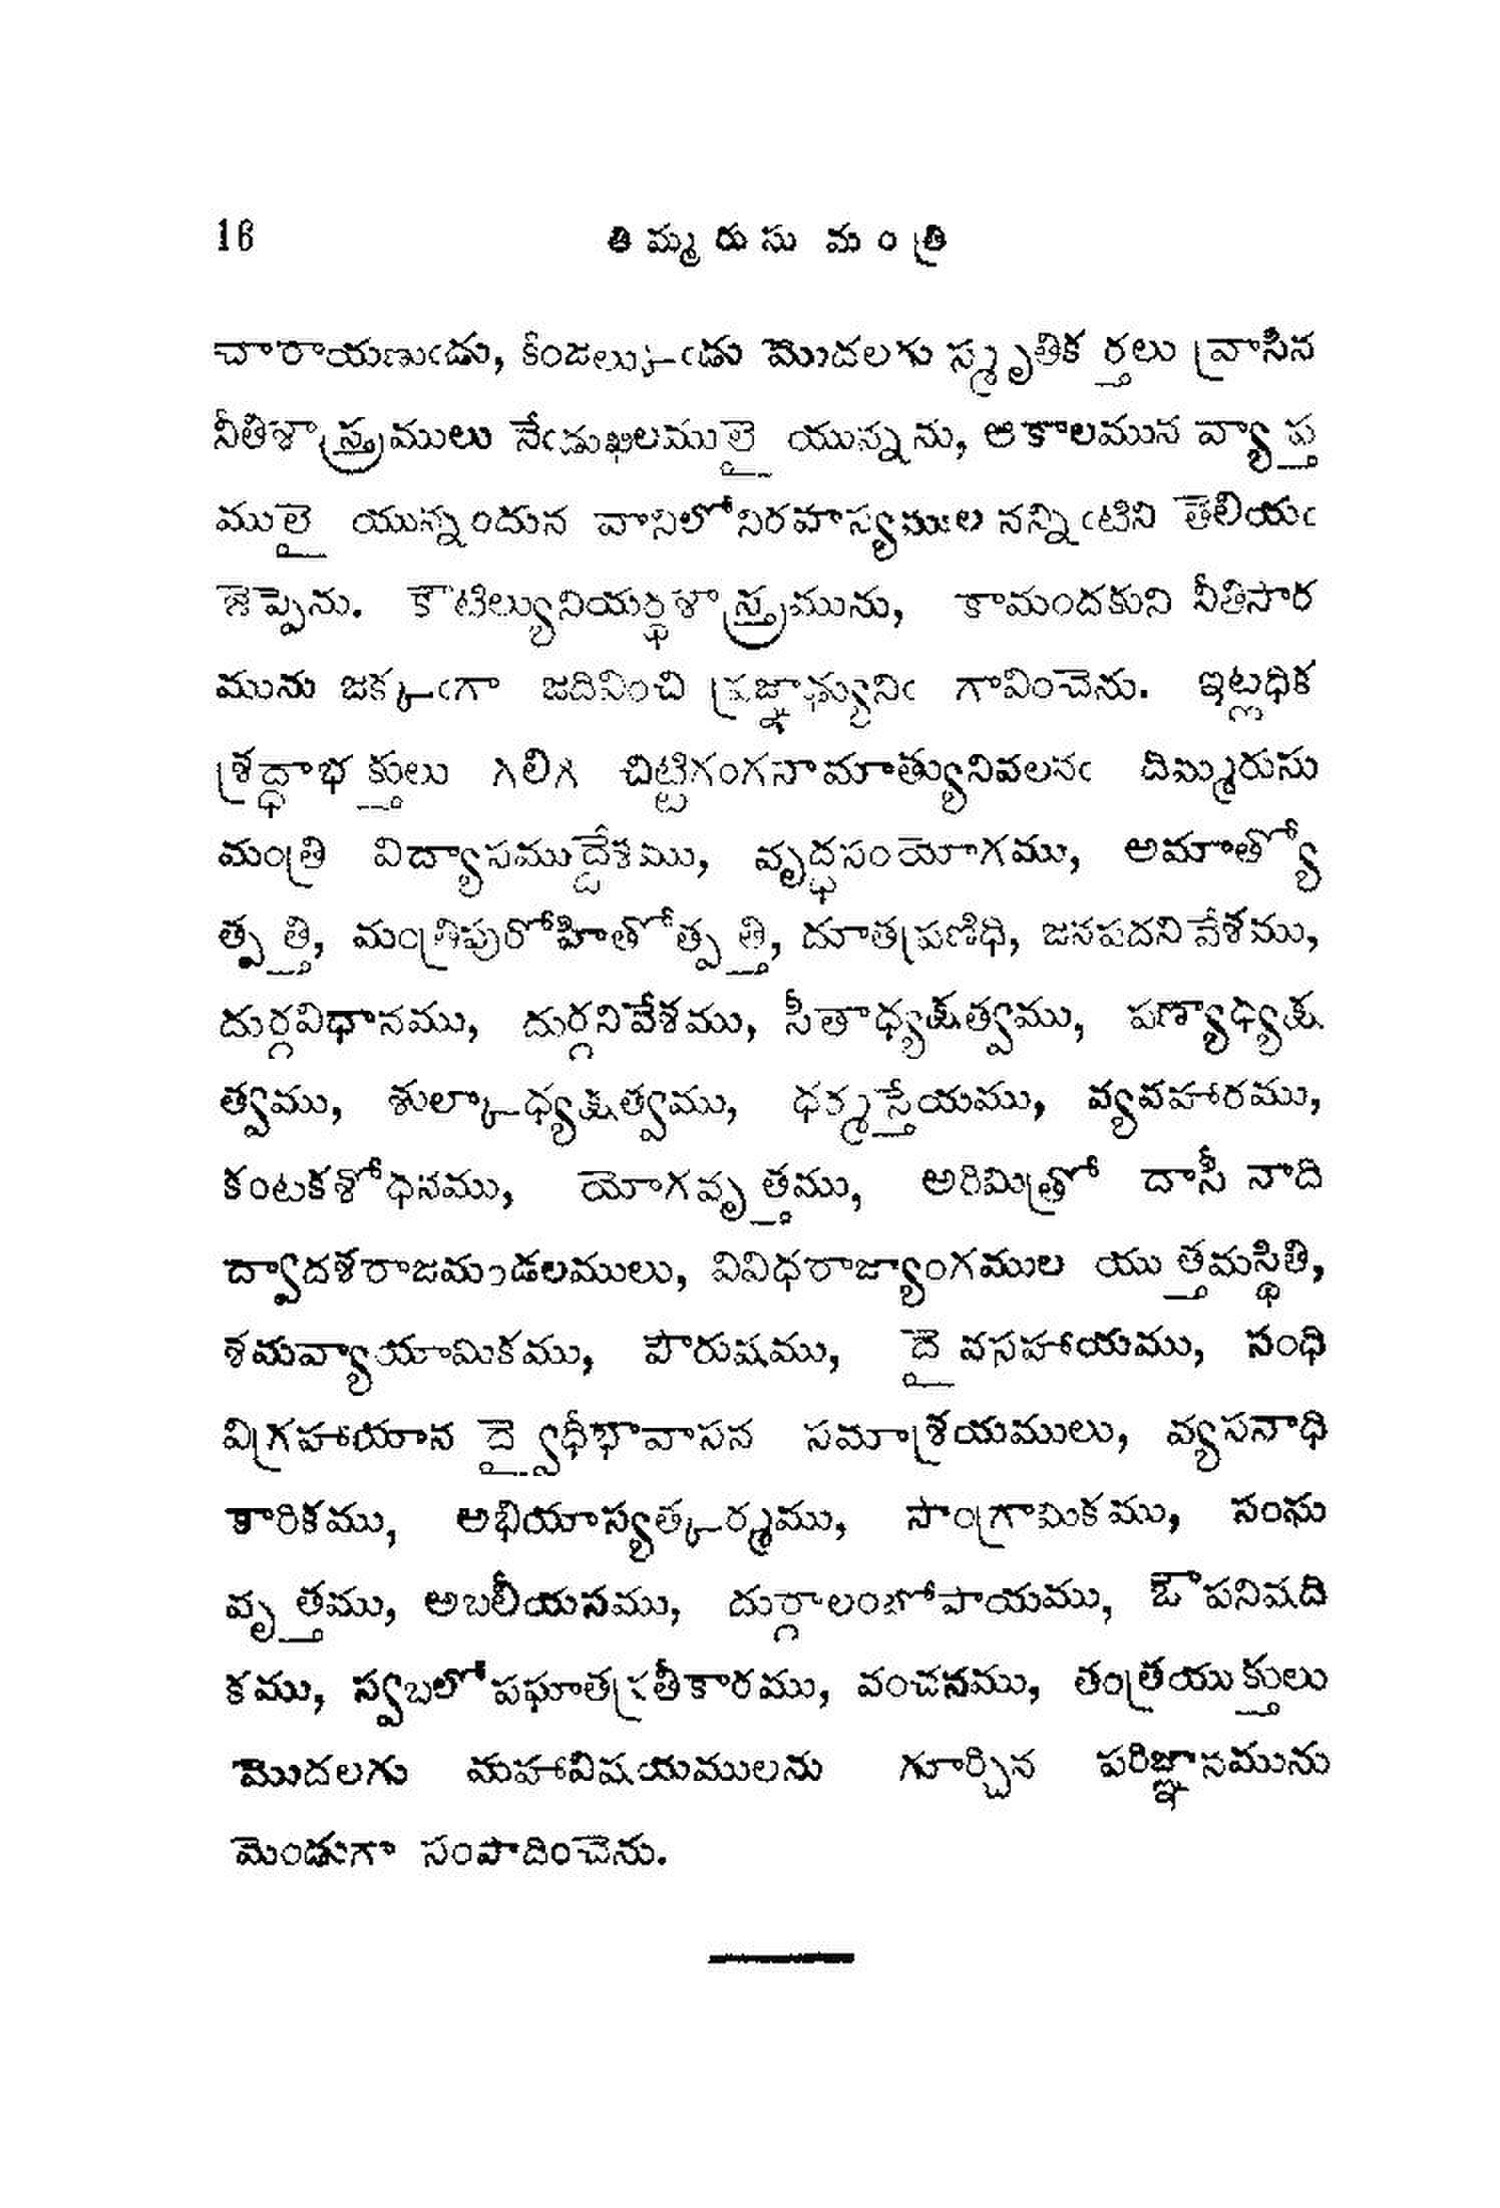చారాయణుఁడు, కింజల్కుఁడు మొదలగు స్మృతికర్తలు వ్రాసిన నీతిశాస్త్రములు నేఁడుఖిలములై యున్నను, ఆకాలమున వ్యాప్తములై యున్నందున వానిలోనిరహస్యముల నన్నిఁటిని తెలియఁ జెప్పెను. కౌటిల్యునియర్థశాస్త్రమును, కామందకుని నీతిసారమును జక్కఁగా జదివించి ప్రజ్ఞాఢ్యునిఁ గావించెను. ఇట్లధిక శ్రద్ధాభక్తులు గలిగి చిట్టిగంగనామాత్యునివలనఁ దిమ్మరుసు మంత్రి విద్యాసముద్దేశము, వృద్ధసంయోగము, అమాత్యోత్పత్తి, మంత్రిపురోహితోత్పత్తి, దూతప్రణిధి, జనపదనివేశము, దుర్గవిధానము, దుర్గనివేశము, సీతాధ్యక్షత్వము, పణ్యాధ్యక్షత్వము, శుల్కాధ్యక్షత్వము, ధర్మస్తేయము, వ్యవహారము, కంటకశోధనము, యోగవృత్తము, అరిమిత్రో దాసీ నాది ద్వాదశరాజమడలములు, వివిధరాజ్యాంగముల యుత్తమస్థితి, శమవ్యాయామికము, పౌరుషము, దైవసహాయము, సంధి విగ్రహాయాన ద్వైధీభావాసన సమాశ్రయములు, వ్యసనాధి కారికము, అభియాస్యత్కర్మము, సాంగ్రామికము, సంఘవృత్తము, అబలీయనము, దుర్గాలంబోపాయము, ఔపనిషదికము, స్వబలోపఘాతప్రతీకారము, వంచనము, తంత్రయుక్తులు మొదలగు మహావిషయములను గూర్చిన పరిజ్ఞానమును మెండుగా సంపాదించెను.

___________